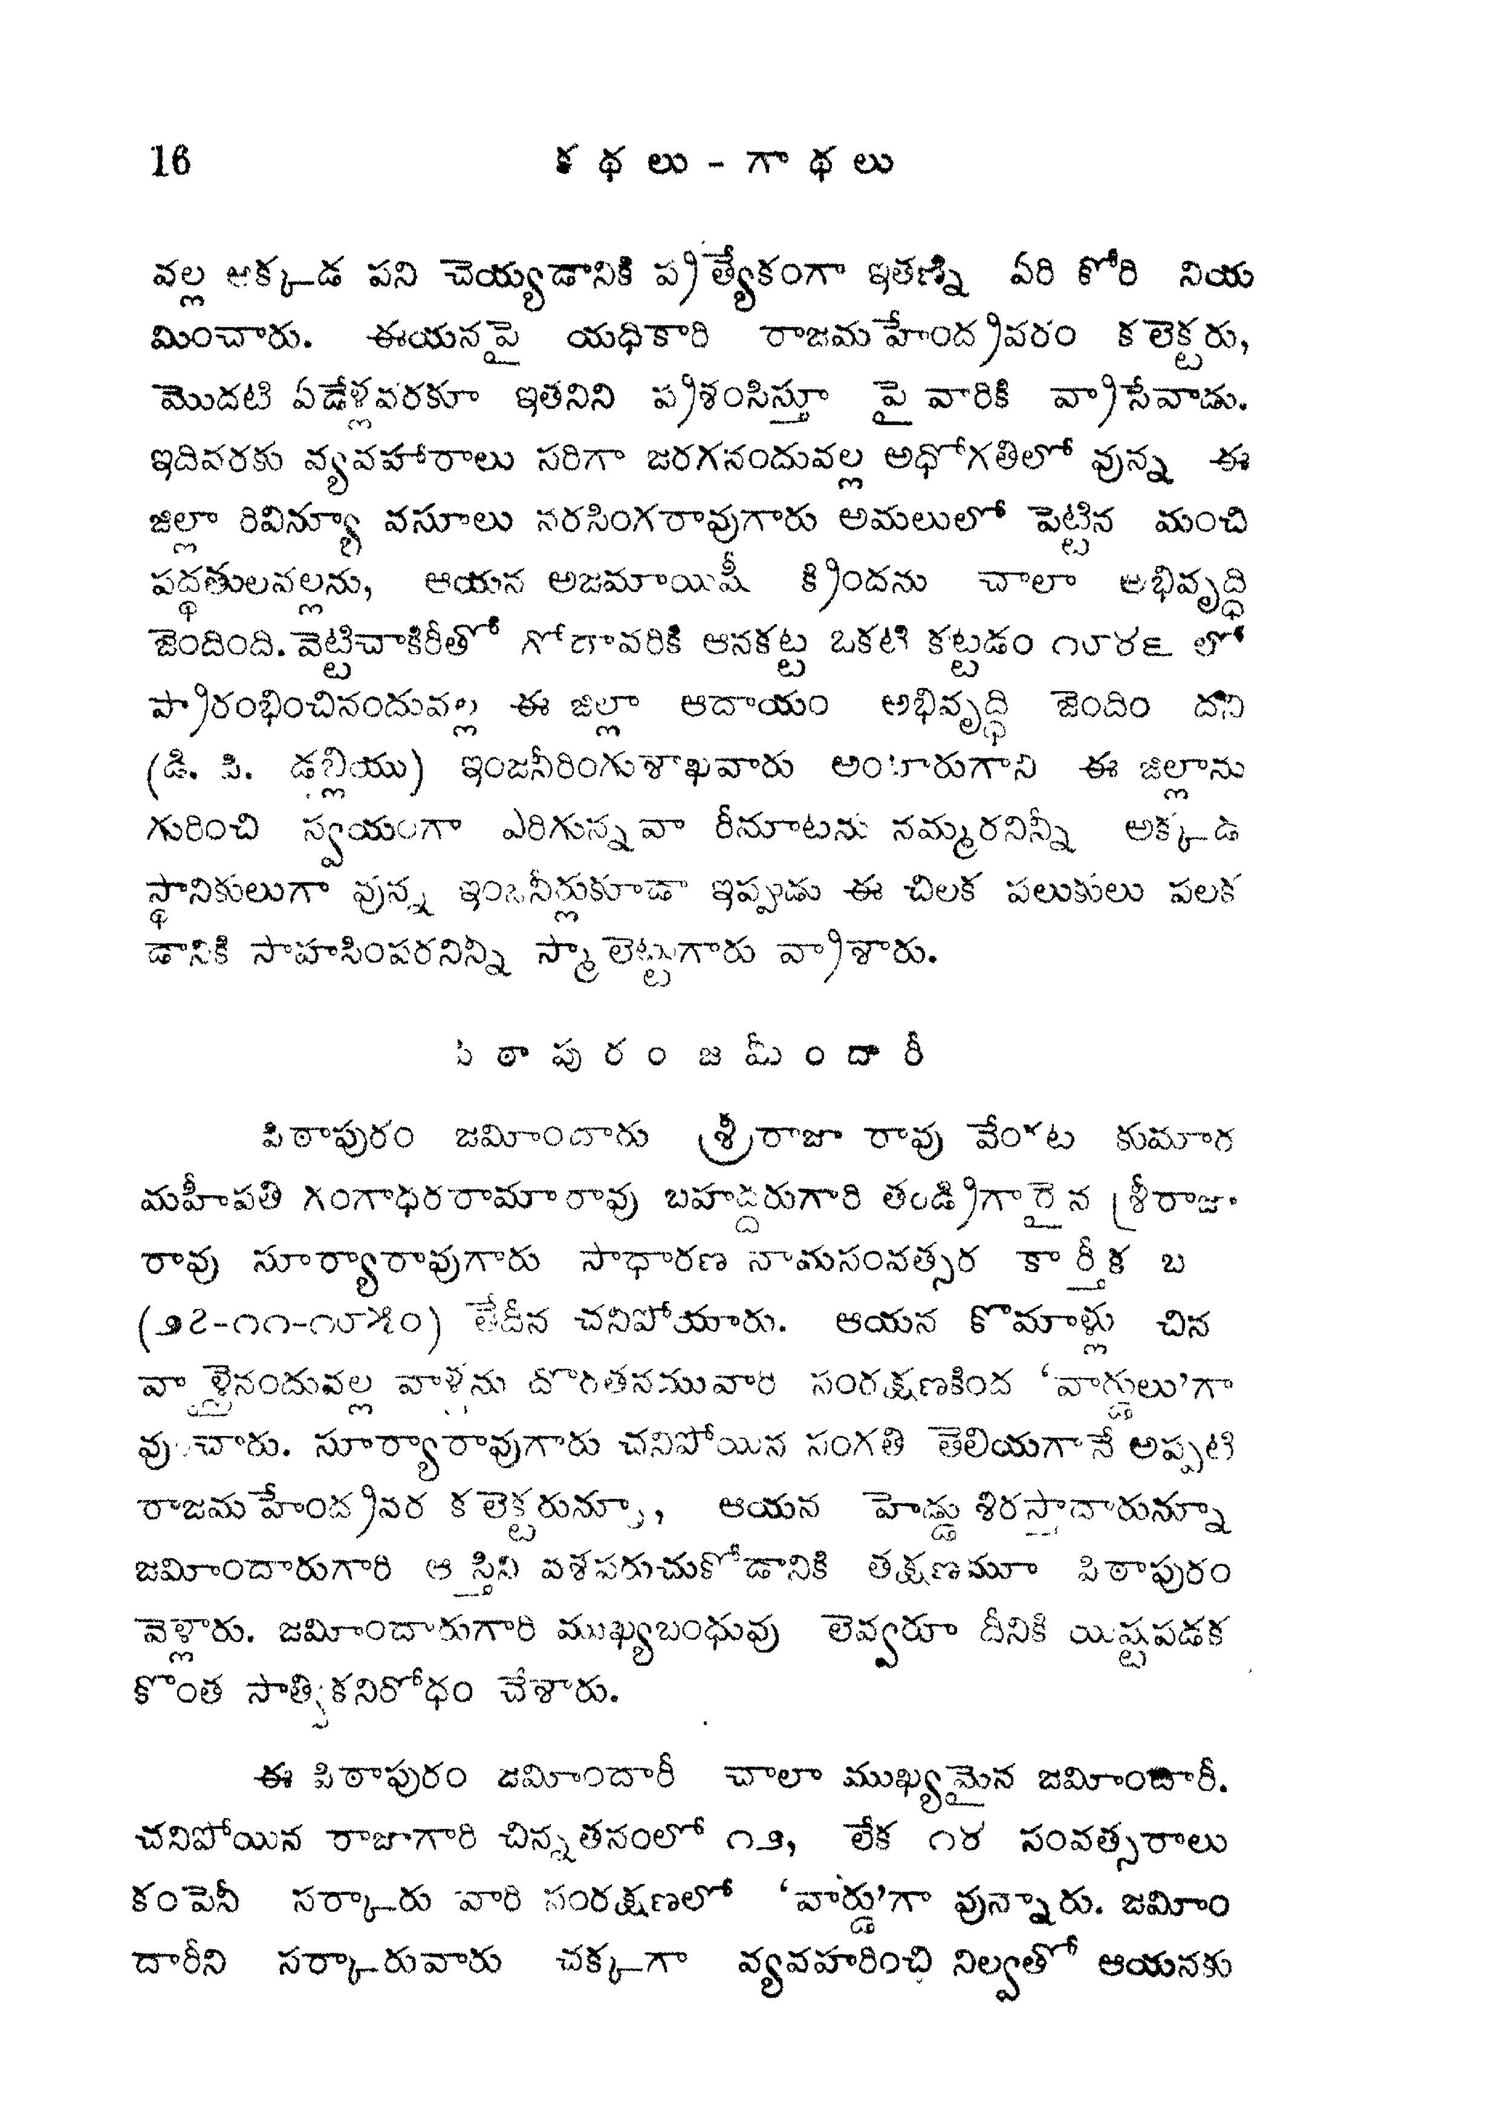వల్ల అక్కడ పని చెయ్యడానికి ప్రత్యేకంగా ఇతణ్ణి ఏరి కోరి నియమించారు. ఈయనపై యధికారి రాజమహేంద్రవరం కలెక్టరు, మొదటి ఏడేళ్లవరకూ ఇతనిని ప్రశంసిస్తూ పైవారికి వ్రాసేవాడు. ఇదివరకు వ్యవహారాలు సరిగా జరగనందువల్ల అధోగతిలో వున్న ఈ జిల్లా రివెన్యూ వసూలు నరసింగరావుగారు అమలులో పెట్టిన మంచి పద్దతులవల్ల ఈ జిల్లా ఆదాయం అభివృద్ధి జెందిందని (డి.సి. డభ్లియు) ఇంజనీరింగుశాఖవారు అంటారుగాని ఈ జిల్లాను గురించి స్వయంగా ఎరిగున్నవా రీమాటను నమ్మరనిన్నీ అక్కడ స్థానికులుగా వున్న ఇంజనీర్లు కూడా ఇప్పుడు ఈ చిలక పలుకులు పలకడానికి సాహసింపరనిన్నీ స్మాలెట్టు గారు వ్రాశారు.

 
పిఠాపురం జమీందారు శ్రీరాజారావు వేంకట కుమార మహీపతి గంగాధరరామారావు బహద్దరుగారి తండ్రిగారైన శ్రీరాజారావు సూర్యారావుగారు సాధారణ నామ సంవత్సర కార్తీక బ (27-11-1850) తేదీన చనిపోయారు. ఆయన కొమాళ్లు చిన్నవాళ్లైనందువల్ల వాళ్లను దొరతనంవారి సంరక్షణకింద 'వార్డులు ' గా వుంచారు. సూర్యారావుగారు చనిపోయిన సంగతి తెలియగానే అప్పటి రాజమహేంద్రవర కలెక్తరున్నూ, ఆయన హెడ్డు శిరస్తాదరున్నూ జమీందారు గారి ఆస్థిని వశపరచుకోడానికి తక్షణమూ పిఠాపురం వెళ్లారు. జమీందారుగారి ముఖ్యబంధువు లెవ్వరూ దీనికి యిష్టపడక కొంత సాత్విక నిరోధం చేసారు.

ఈ పిఠాపురం జమీందారీ చాలా ముఖ్యమైన జమీందారీ. చనిపోయిన రాజాగారి చిన్నతనంలో 12, లేక 14 సంవత్సరాలు కంపెనీ సర్కారు వారి సంరక్షణలో "వార్డు ' గా వున్నారు. జమీందారీని సర్కారువారు చక్కగా వ్యవహరించి నిల్వతో ఆయనకు